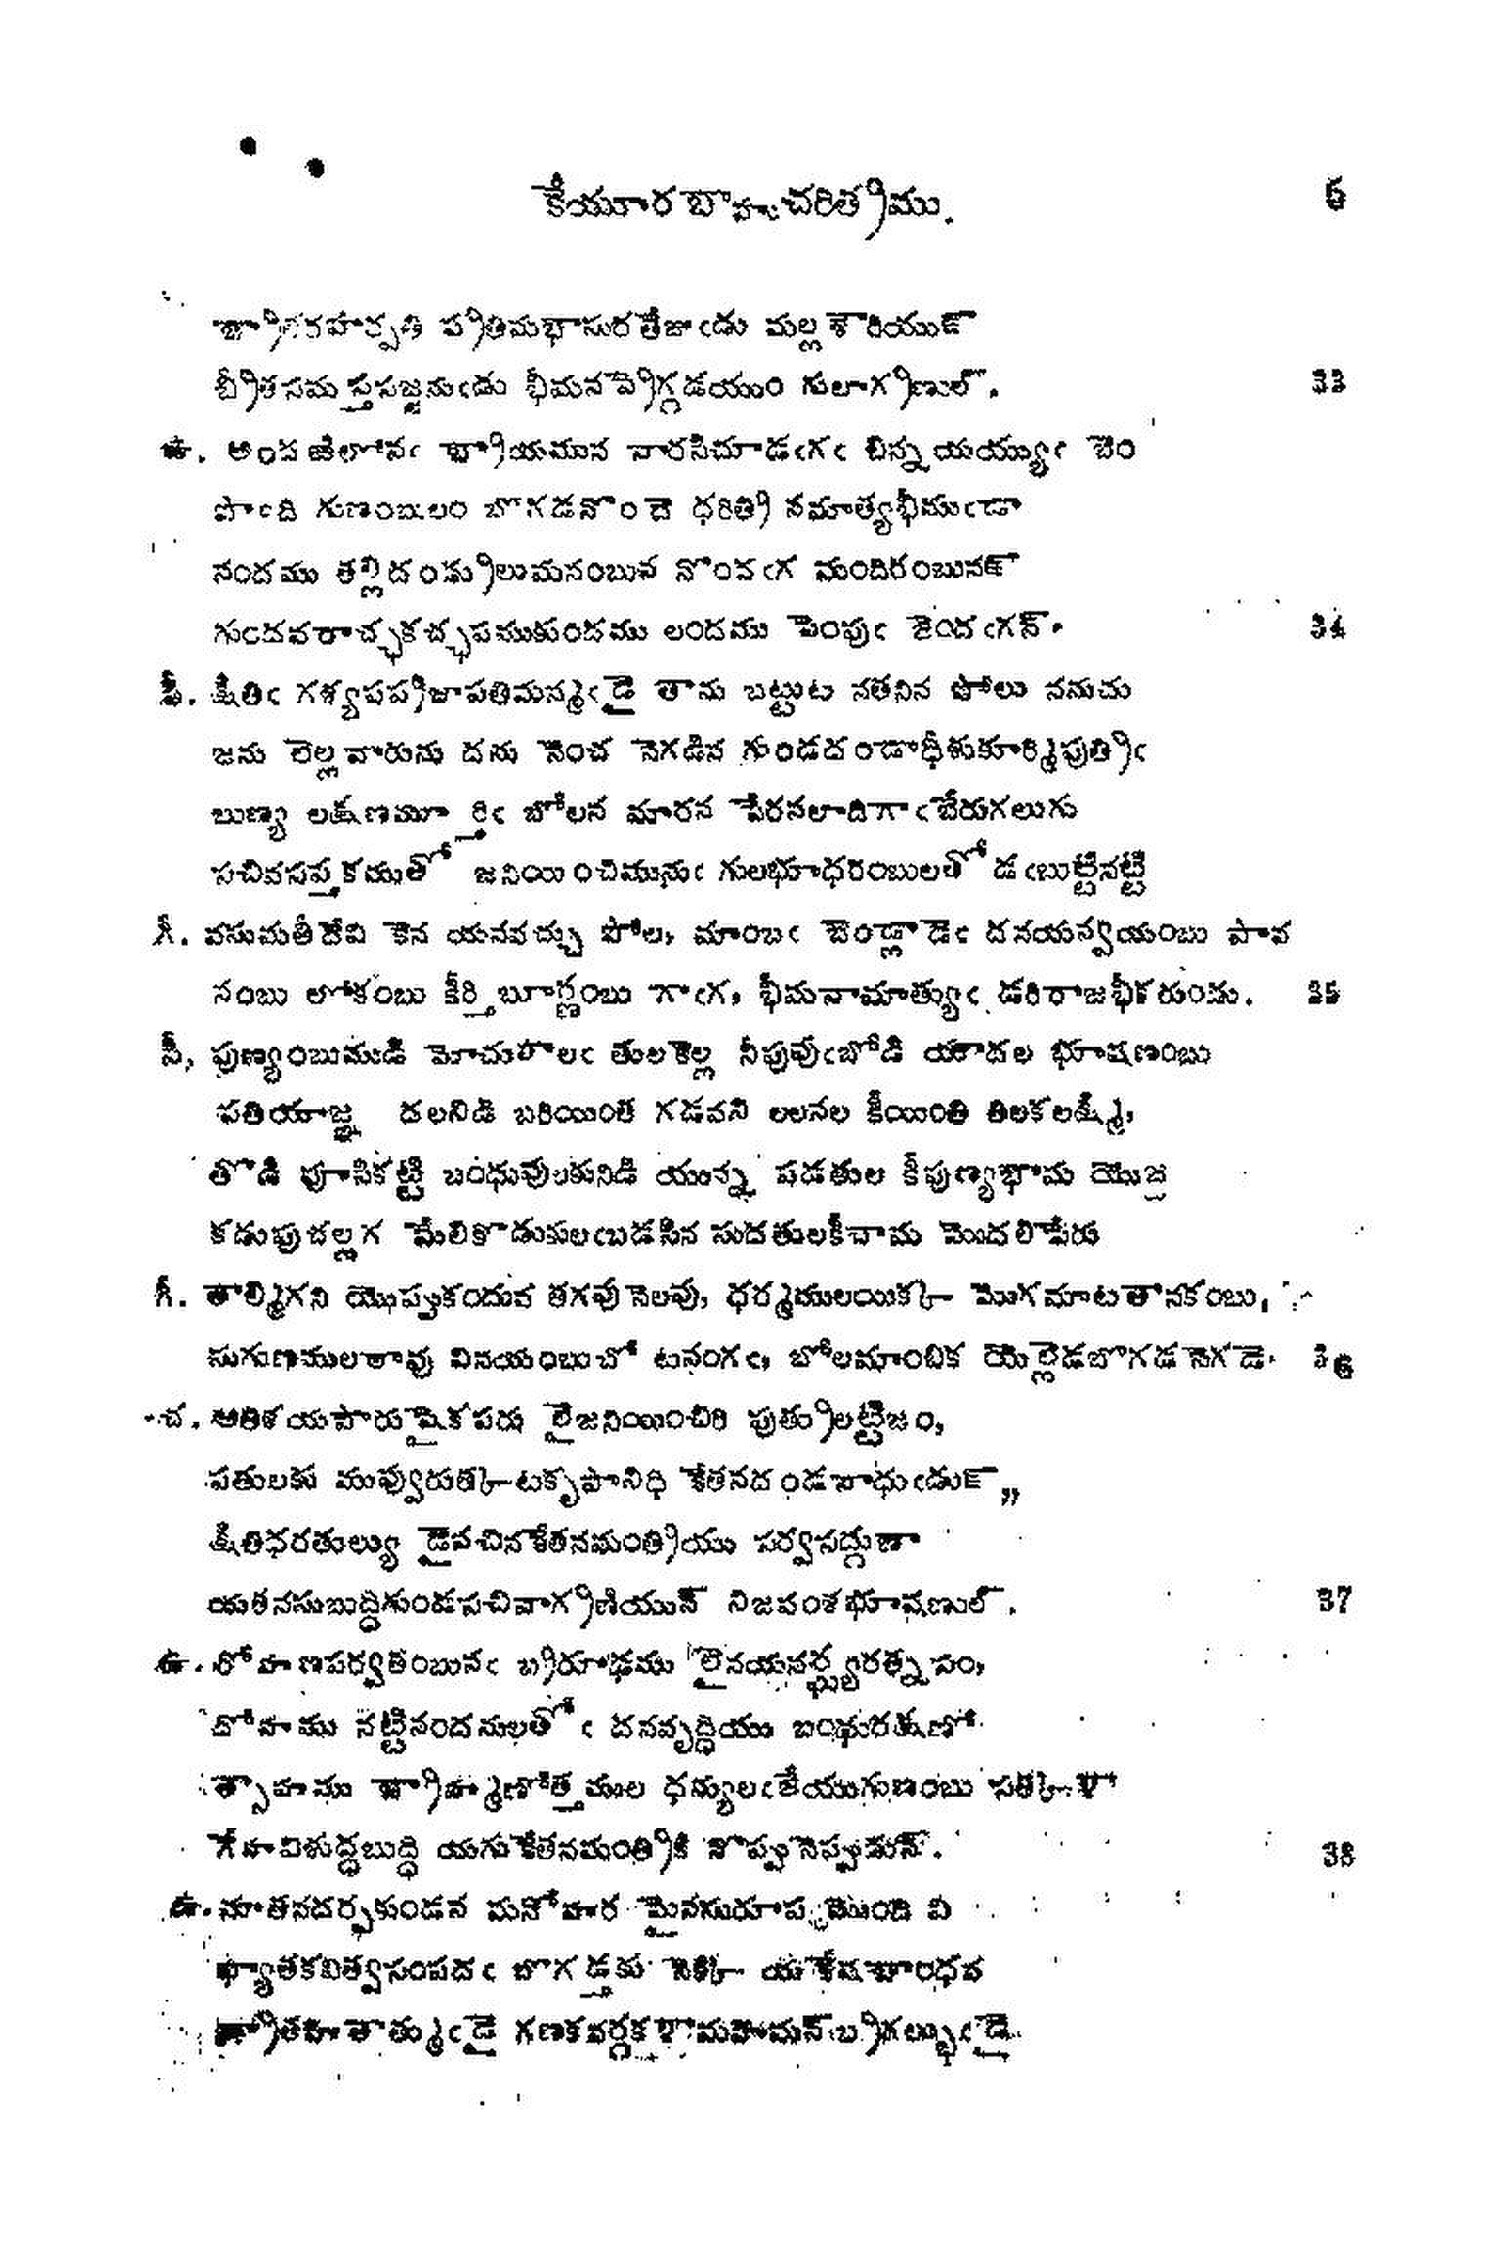బ్రాతరహర్పతి ప్రతిమభాసురతేజుఁడు మల్లశౌరియున్
 బ్రీకసమస్తసజ్జనుఁడు భీమనప్రెగ్గడయుం గులాగ్రణుల్.
ఉ. అందఱిలోనఁ బ్రాయమున నారసిచూడఁగఁ బిన్నయయ్యుఁ బెం
 పొంది గుణంబులం బొగడనొందె ధరిత్రి నమాత్యభీముఁ డా
 నందము తల్లిదండ్రులుమనంబున నొందఁగ మందిరంబునన్
 గుందవరాచ్ఛకచ్ఛపముకుందము లందము పెంపుఁ జెందఁగన్.
సీ. క్షితిఁ గశ్యపప్రజాపతిమన్మఁడై తాను బట్టుట నతనిన పోలు ననుచు
 జను లెల్లవారును దను నెంచ నెగడిన గుండదండాధీశుకూర్మిపుత్రిఁ
 బుణ్య లక్షణమీర్తిఁ బోలన మారన పేరనలాదిగాఁ బేరుగలుగు
 సచివసప్తకముతో జనియించి మునుఁ గులభూధరంబులతోడఁ బుట్టినట్టి
గీ. వసుమతీదేవి కెన యనవచ్చు పోల, మాంబఁ బెండ్లాడెఁ దనయన్వయంబు పావ
 నంబు లోకంబు కీర్తిబూర్ణంబు గాఁగ, భీమనామాత్యుఁ డరిరాజభీకరుండు.
సీ. పుణ్యంబుముడి మోచుపొలఁతుల కెల్ల నీపువుఁబోడి యౌదలభూషణంబు
 పతియాజ్ఞ దలనిడి బరియింత గడవని లలనల కీయింతి తిలకలక్ష్మి
 తొడి పూసికట్టి బంధువులకునిడి యున్న పడతుల కీపుణ్యభామ యొజ్జ
 కడుపు చల్లగ మేలికొడుకులఁబడసిన సుదతుల కీచామ మొదలిపేరు
గీ. తాల్మిగని యొప్పుకందువ తగవునెలవు, ధర్మములయిక్క మొగమాటతానకంబు
 సుగుణములఠావు వినయంబుచో టనంగఁ, బోలమాంబిక యెల్లెడ బొగడ నెగడె.
చ. అతిశయపౌరుషైకపరులై జనియించిరి పుత్రు లట్టిదం
 పతులకు మువ్వు రుత్కటకృపానిధి కేతనదండనాథుఁడున్
 క్షితిధరతుల్యు డైనచినకేతనమంత్రియు సర్వసద్గుణా
 యతనసుబుద్ధి గుండసచివాగ్రణియున్ నిజవంశభూషణుల్.
ఉ. రోహణపర్వతంబునఁ బరూఢము లైనయనర్ఘ్యరత్నసం
 దోహము నట్టినందనులతోఁ దనవృద్ధియు బంధురక్షణో
 త్సాహము బ్రాహ్మణోత్తముల ధన్యులఁజేయుగుణంబు సత్మళా
 గేహవిశుద్ధబుద్ధి యగుకేతనమంత్రికి నొప్పు నెప్పుడున్.
ఉ. నూతనదర్పకుండన మనోహర మైనసురూప మొంది వి
 ఖ్యాతకవిత్వసంపదఁ బొగడ్తకు నెక్కి యశేషబాంధవ
 వ్రాతహితాత్ముఁడై గణకవర్గకళామహిమన్ బ్రగల్భుఁడై